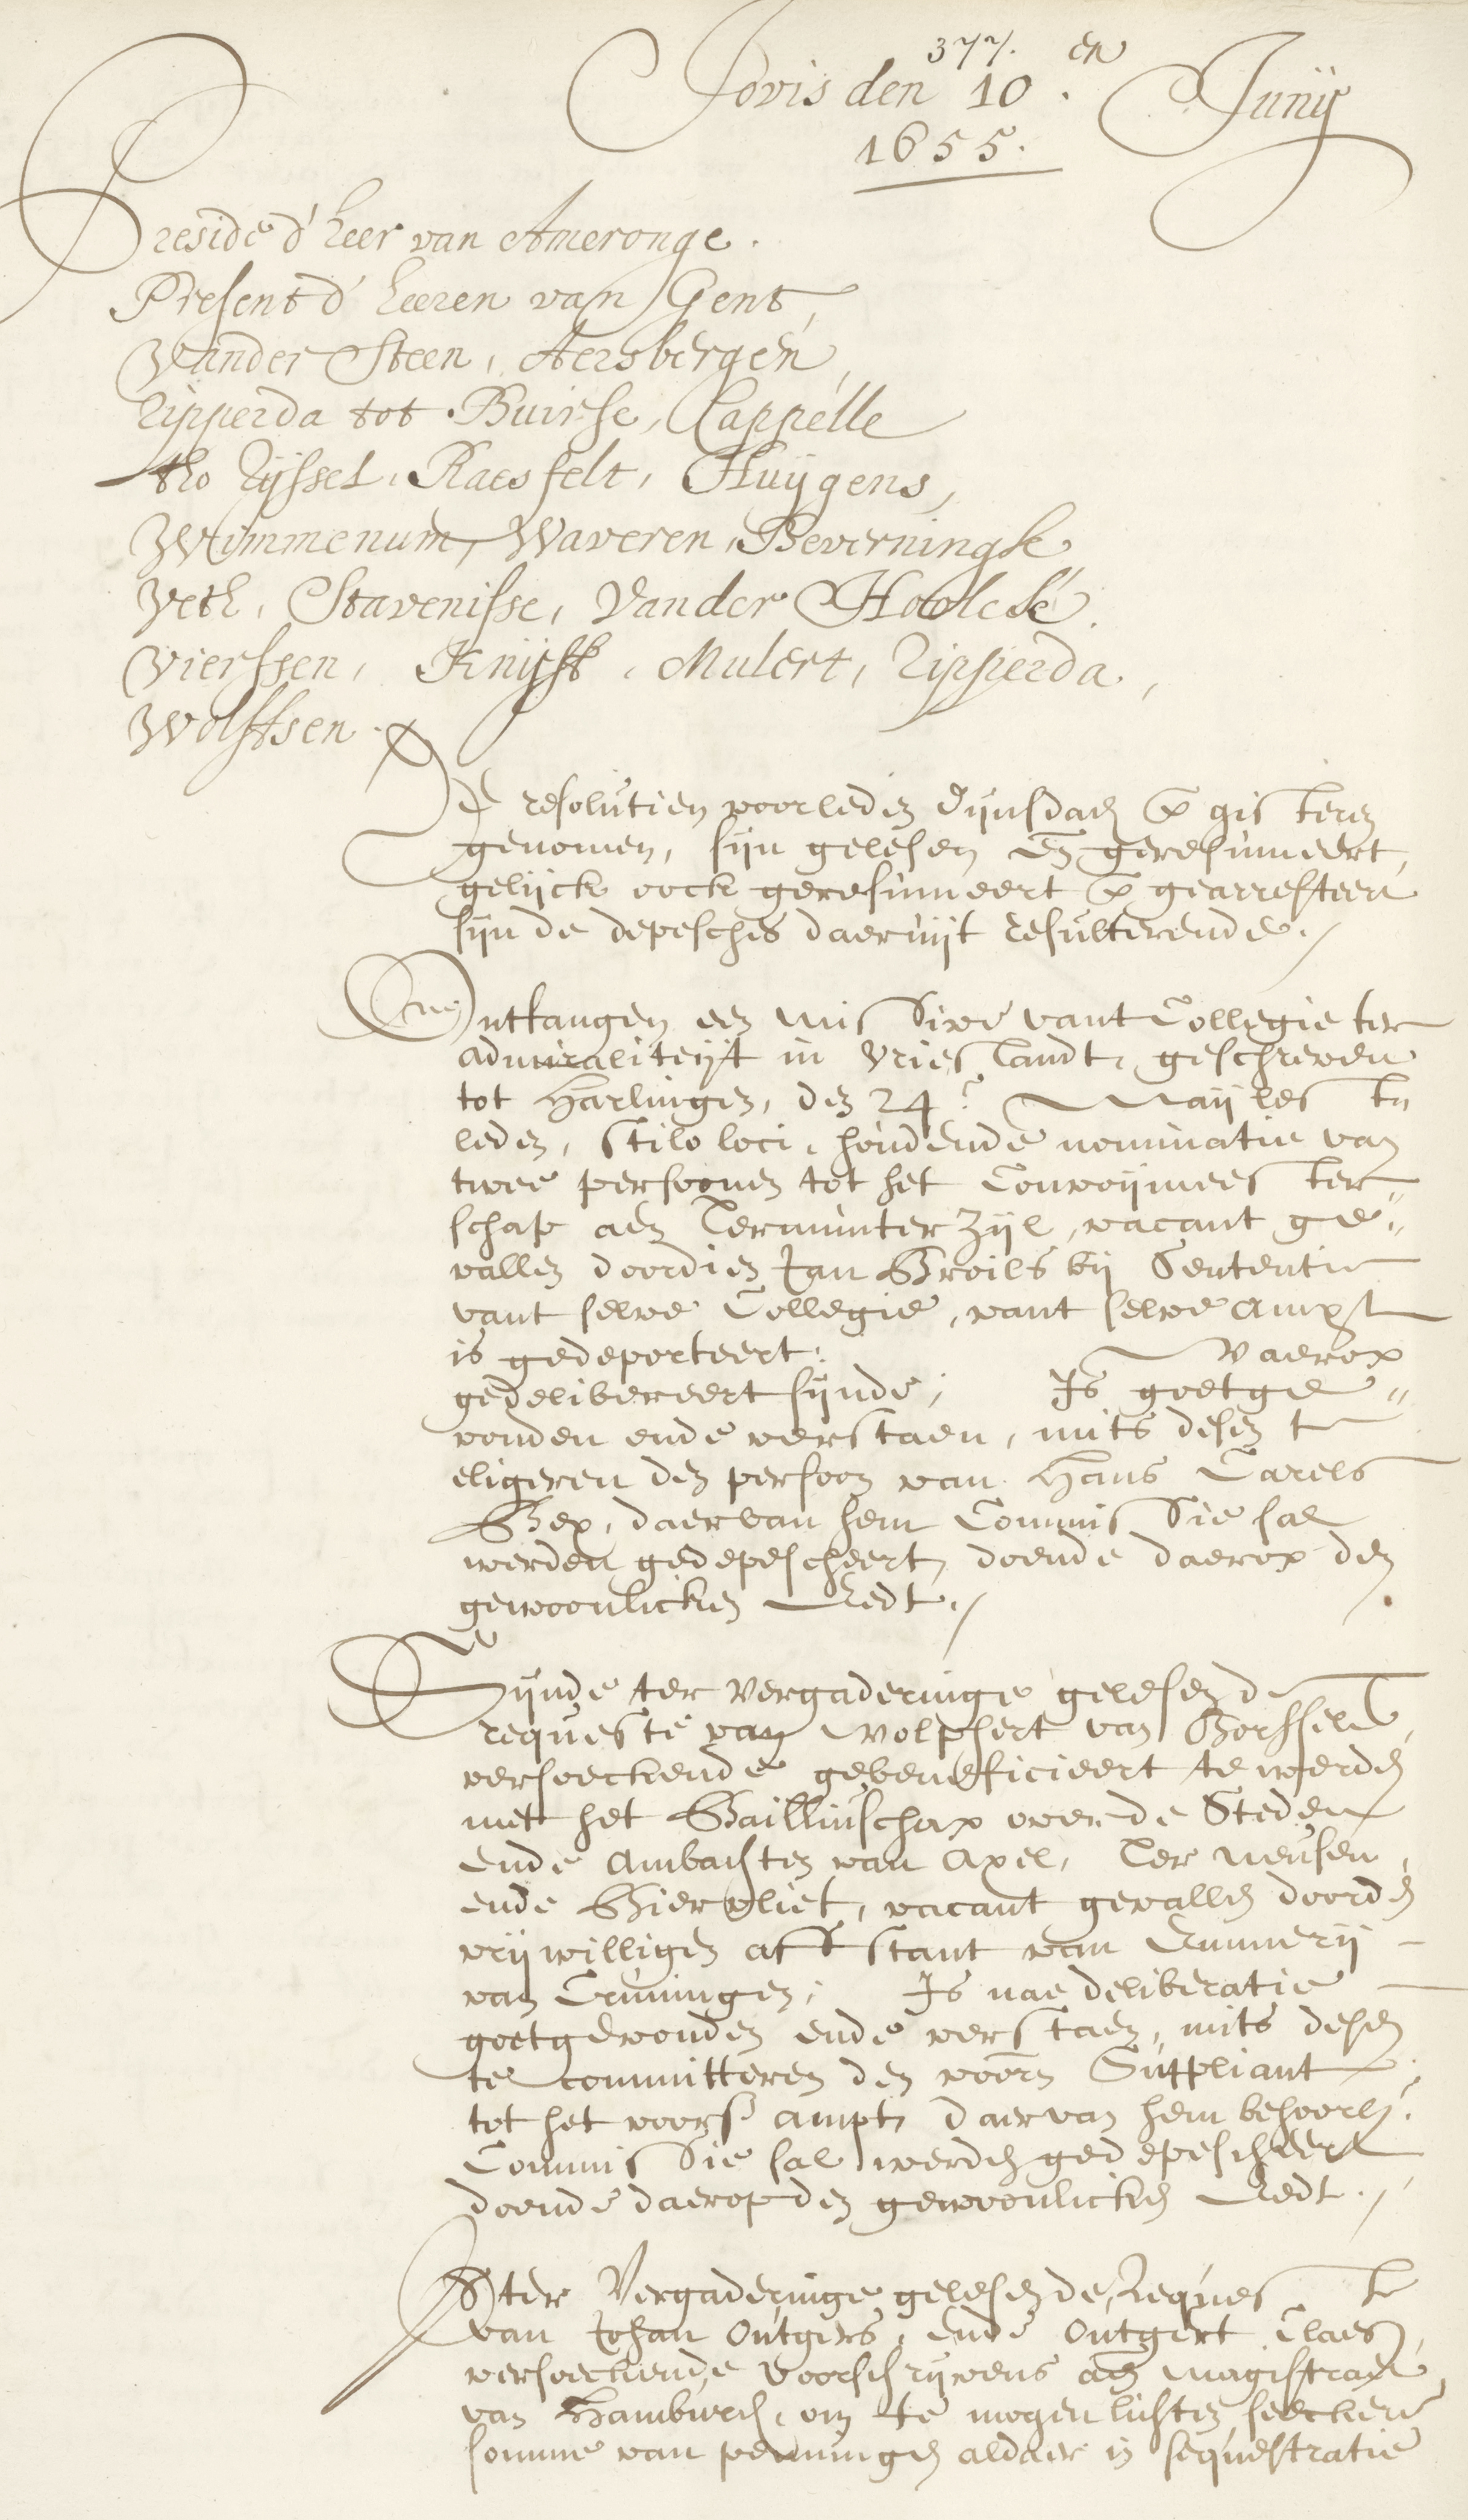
377.
Jovis den 10en. Junij
1655.
Preside d'heer van Ameronge.
Present d'heeren van Gent,
Vander Steen, Aersbergen,
Ripperda tot Buirse, Cappelle
tho Rijssel, Raesfelt, Huijgens,
Wimmenum, Waveren, Beverningk,
Veth, Stavenisse, Vander Hoolck.
Vierssen, Knijff, Mulert, Ripperda,
Wolffsen.
De resolutien voorleden dijnsdach & gisteren
genomen, sijn gelesen en geresumeert
gelijck oock geresumeert & gearresteert
sijn de depesches daeruijt resulterende.
Ontfangen een Missive vant Collegie ter
Admiraliteijt in Vrieslandt, geschreven
tot Harlingen, den 24e. Maij lest„
leden, stilo loci, houdende nominatie van
twee persoonen tot het Convoijmeester„
schap aen TermunterZijl, vacant ge,,
vallen doordien Jan Broils bij Sententie
vant selve Collegie, vant selve ampt
is gedeporteert: Waerop
gedelibereert sijnde; Is goetge„
vonden ende verstaen, mits desen te
eligeren den persoon van Hans Carels
Bex, daervan hem Commissie sal
werden gedepescheert, doende daerop den
gewoonlicken Eedt.
Sijnde ter Vergaderinge gelesen de
requeste van Wolphert van Borssele
versoeckende gebeneficieert te werden
met het Bailliuschap over de Steden
ende Ambachten van Axel, Ter Neusen,
ende Biervliet, vacant gevallen doorden
vrijwilligen affstant van Emmerij
van Cruningen; Is nae deliberatie
goetgevonden ende verstaen, mits desen
te committeren den voorn Suppliant
tot het voors. ampt, daervan hem behoorl.
Commissie sal werden gedepescheert
doende daerop den gewoonlicken Eedt.
Is ter Vergaderinge gelesen de Requeste
van Johan Outgers, ende Outgert Claes,
versoeckende voorschrijvens aen magistraet
van Hamburch, om te mogen lusten seeckere
somme van penningen aldaer in sequestratie
